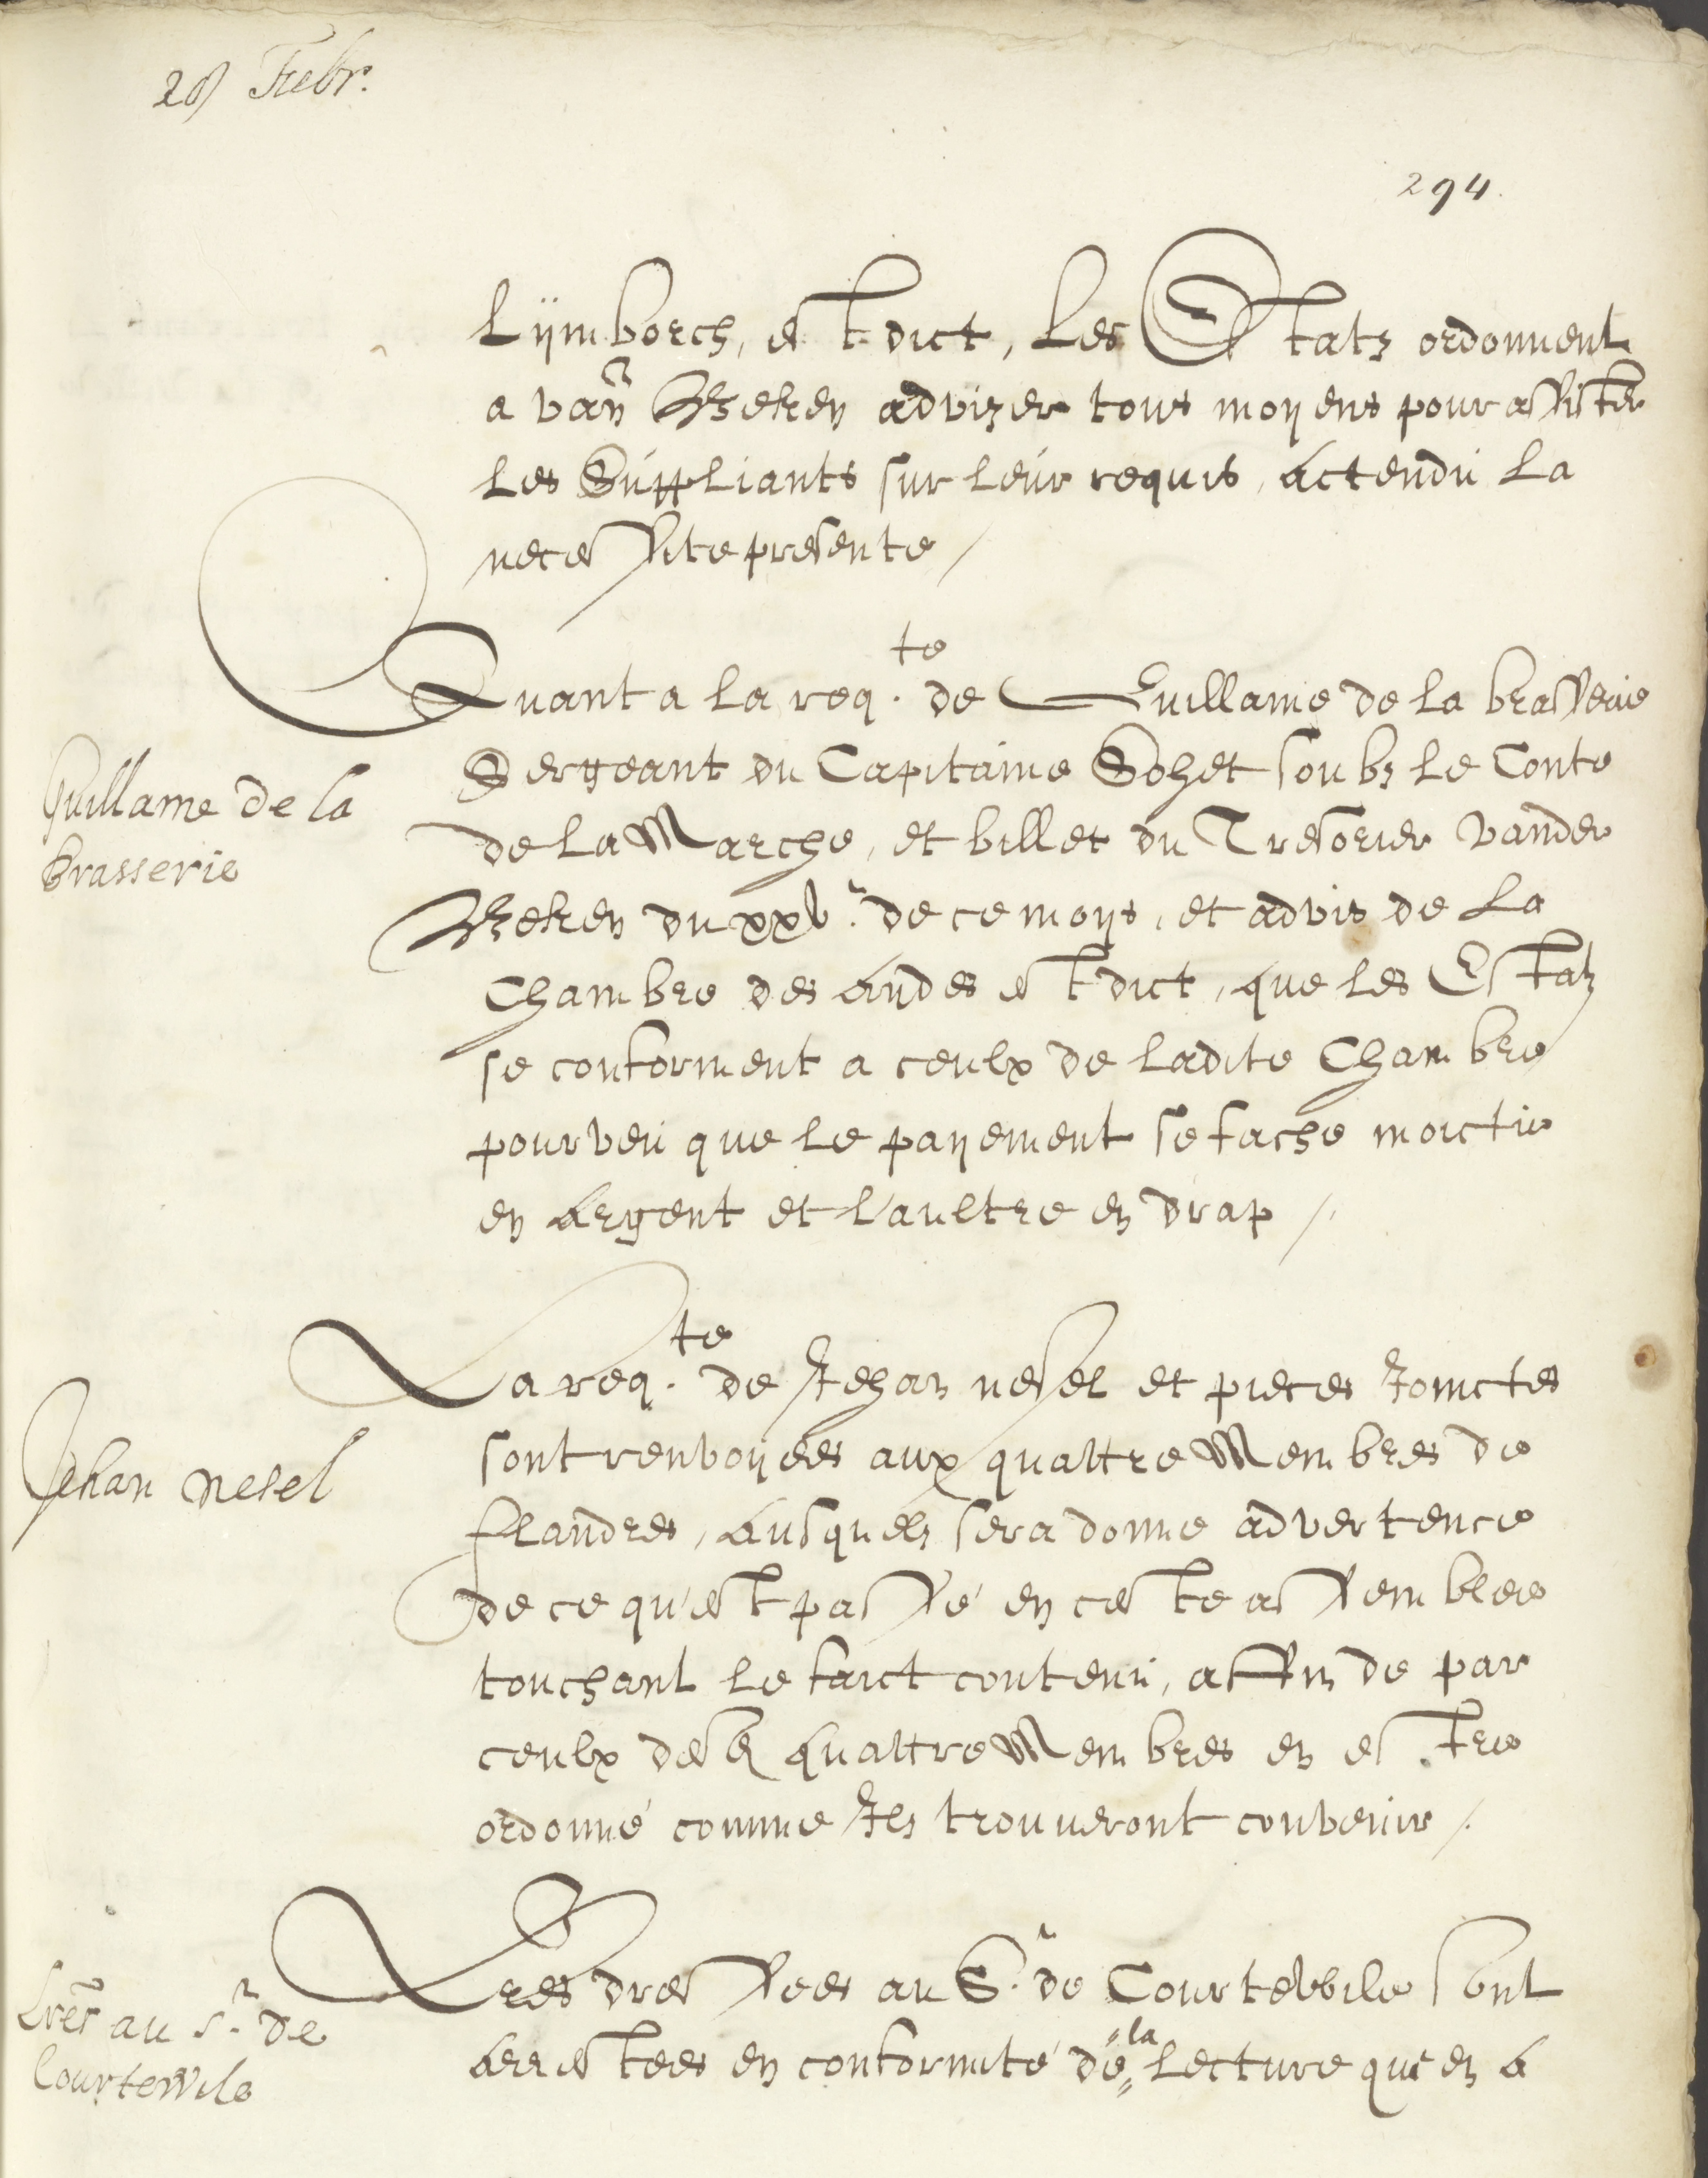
28 Febr.
294.
Lijmborch, est dict, les Estatz ordonnent
a van Beken advizer tous moyens pour assister
les Suppliants sur leur requis, actendu la
necessite presente
Guillame de la
Brasserie
Quant a la reqte. de Guillame de la brasserie
Sergeant du Capitaine Schet soubz le Conte
de la Marche, et billet du Tresorier vander
Beken du xxve de ce moys, et advis de la
Chambre des aydes est dict, que les Estatz
se conforment a ceulx de ladite Chambre
pour veu que le payement se fache moictie
en argent et l‛aultre en drap.
Jehan nesel
La reqte. de Jehan nesel et pieres Joinctes
sont renvoyees aux qualtre Membres de
Flandres, ausquelz sera donne advertence
de ce qu‛est passé en ceste assemblee
touchant le faict contenu, affin de par
ceulx desd qualtre Membres en estre
ordonné comme Ilz trouueront convenir.
Lres au sr. de
Courtewile
Lres dressees au Sr. de Courtewile sont
arrestees en conformté de„la„ lecture que en a
